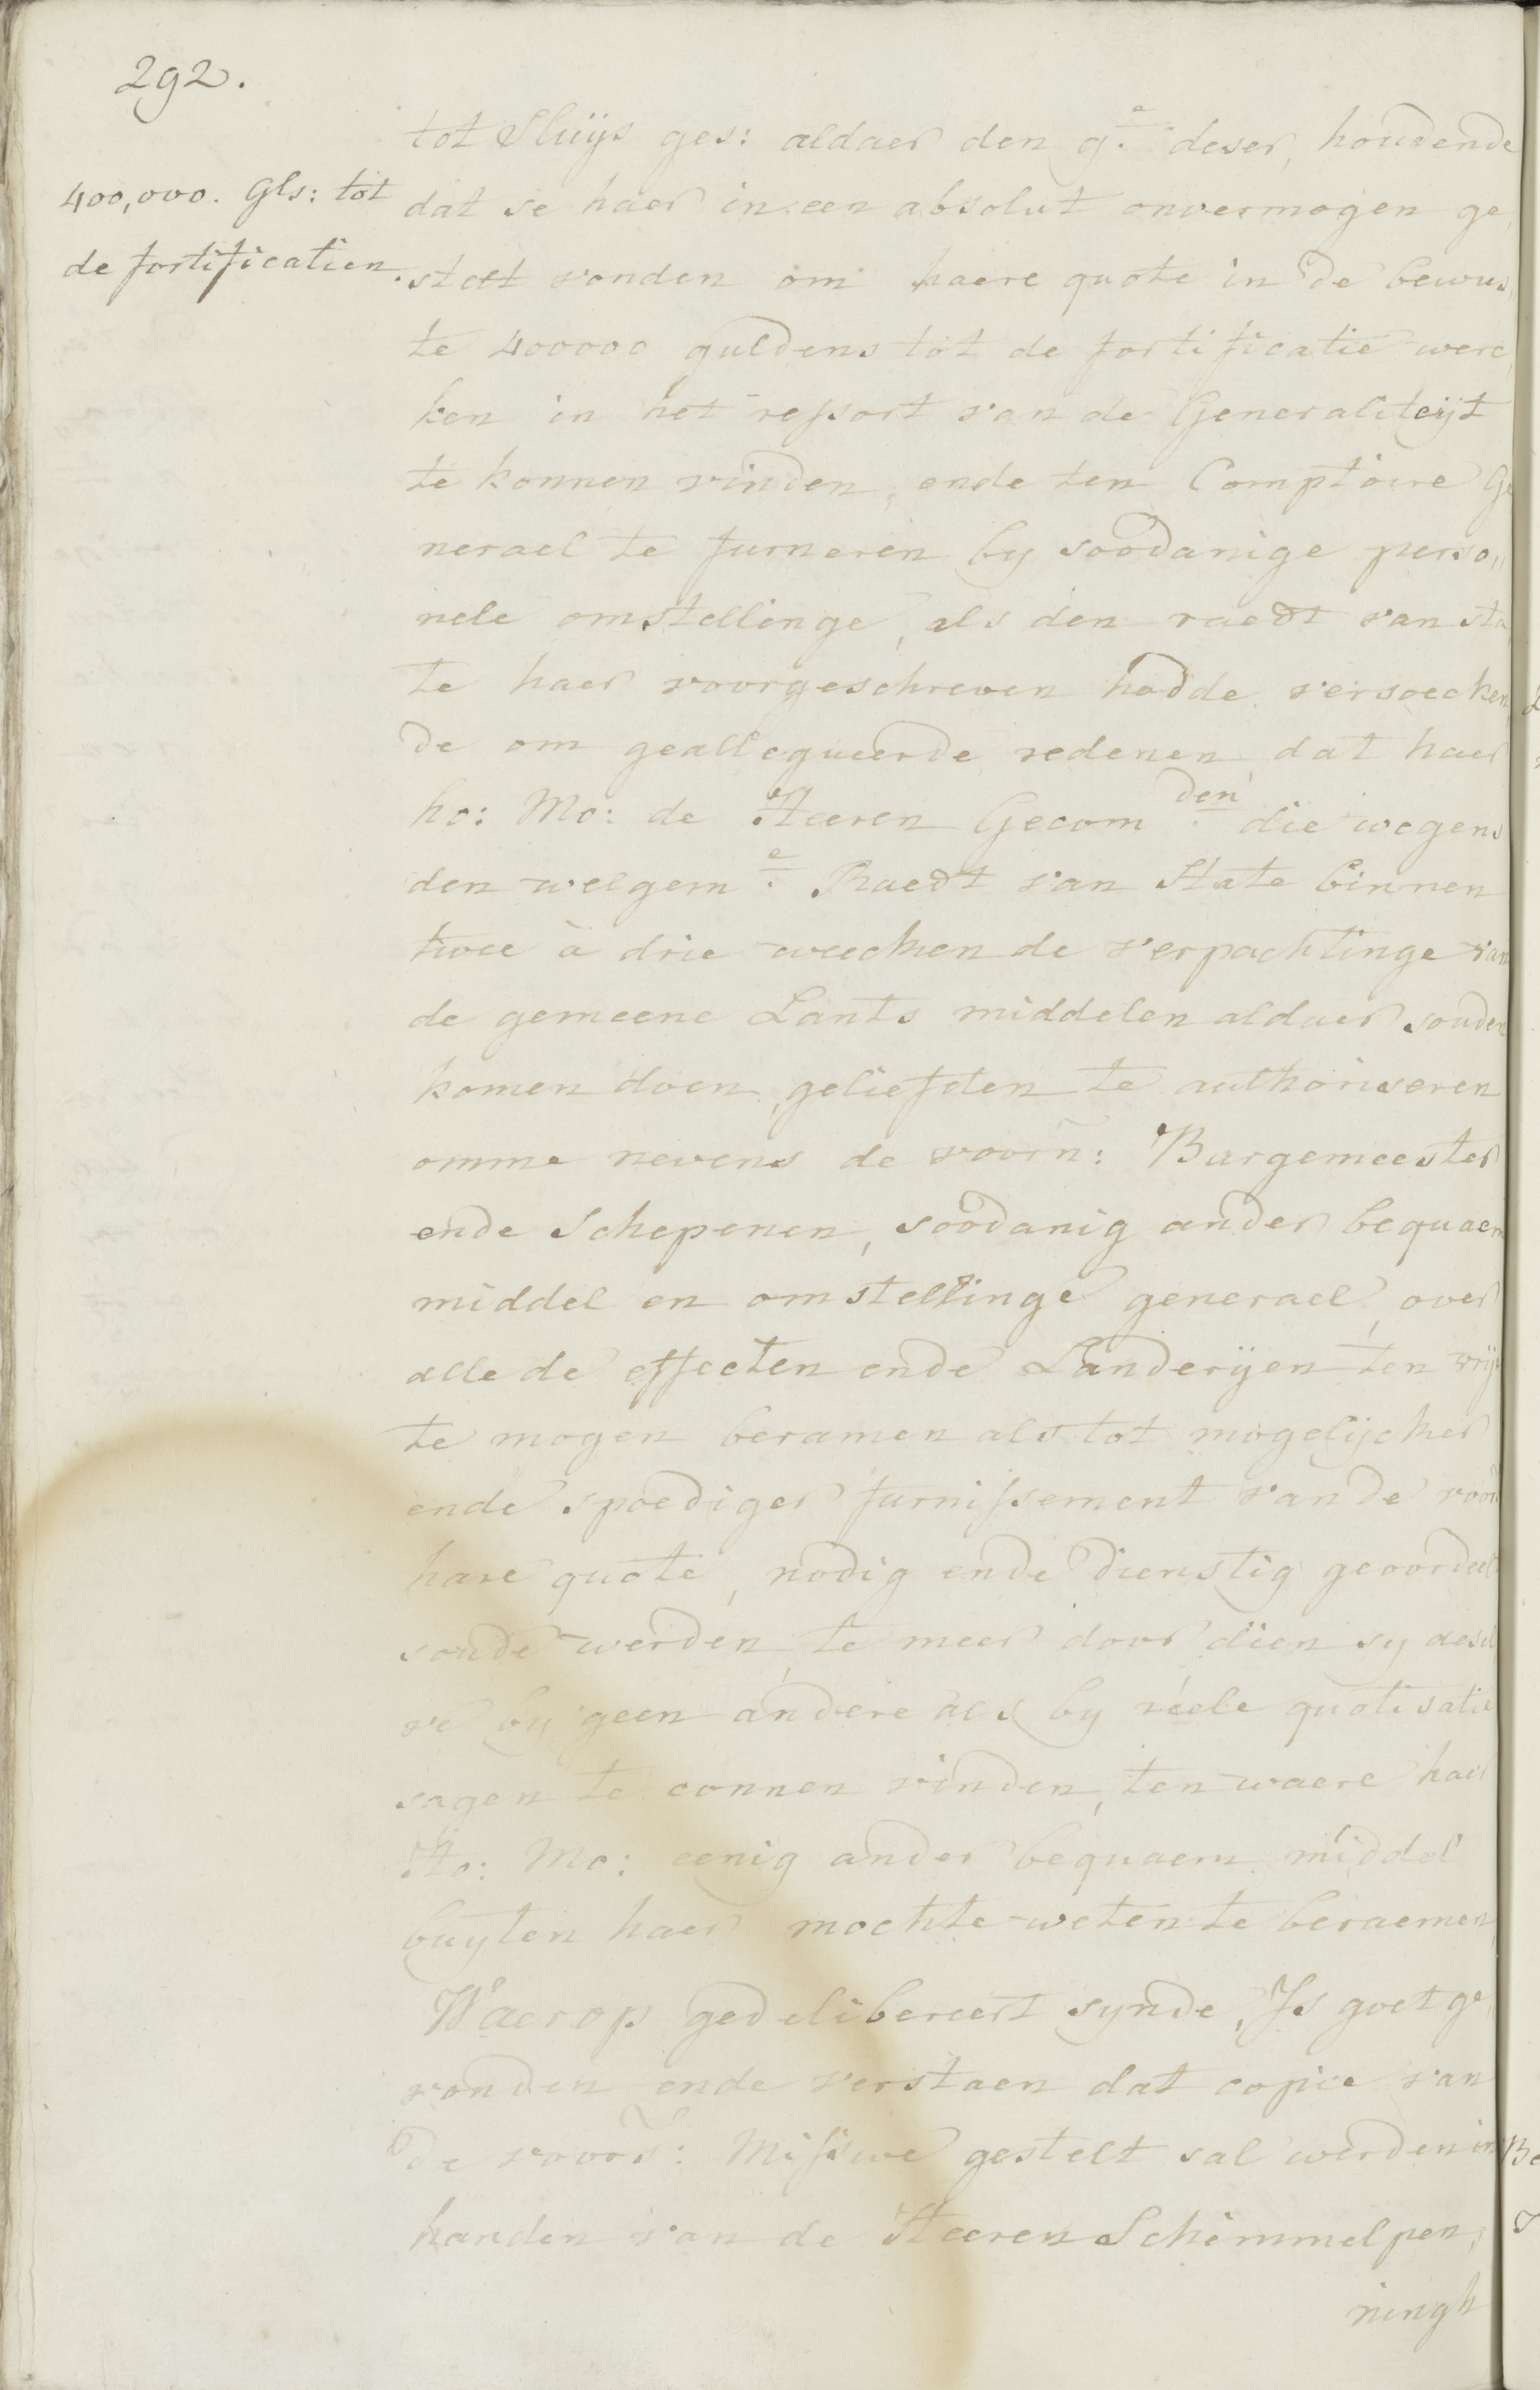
292.
400,000. Gls: tot
de fortificatien.
tot Sluijs ges: aldaer den 9e deser, houdende
dat se haer in een absolut onvermogen ge„
stelt vonden om haere quote in de bewus„
te 400000 guldens tot de fortificatie werc„
ken in het ressort van de Generaliteijt
te konnen vinden, ende zen Comptoire Ge
nerael te furneren by soodanige perso„
nele omstellinge, als den raedt van sta
te haer voorgeschreven hadde, versoecken
de om geallegueerde redenen, da't haer
ho: Mo: de Heeren Gecomden. die wegens
den welgeme. Raedt van State binnen
twee à drie weecken de verpachtinge van
de gemeene Lants middelen aldaer souden
komen doen geliefden te authoriseren
omme nevens de voorn: Burgemeester
ende Schepenen, soodanig ander bequaem
middel en omstellinge generael over
alle de effecten ende Landerijen ten vrije
te mogen beramen als tot mogelijcker
ende spoediger furnissement van de voors
hare quote, nodig ende dienstig geoordeeld
soude werden, te meer door dien sy desel
ve bij geen andere als by réele quotisatie
sagen te connen vinden, ten waere, haer
Ho: Mo: eenig ander bequaem middel
buyten haer mochte weten te beraemen.
Waerop gedelibereert synde, Is goetge„
vonden ende verstaen dat copie van
de voors: Missive gestelt sal werden in
handen van de Heeren Schimmelpen„
ningh
